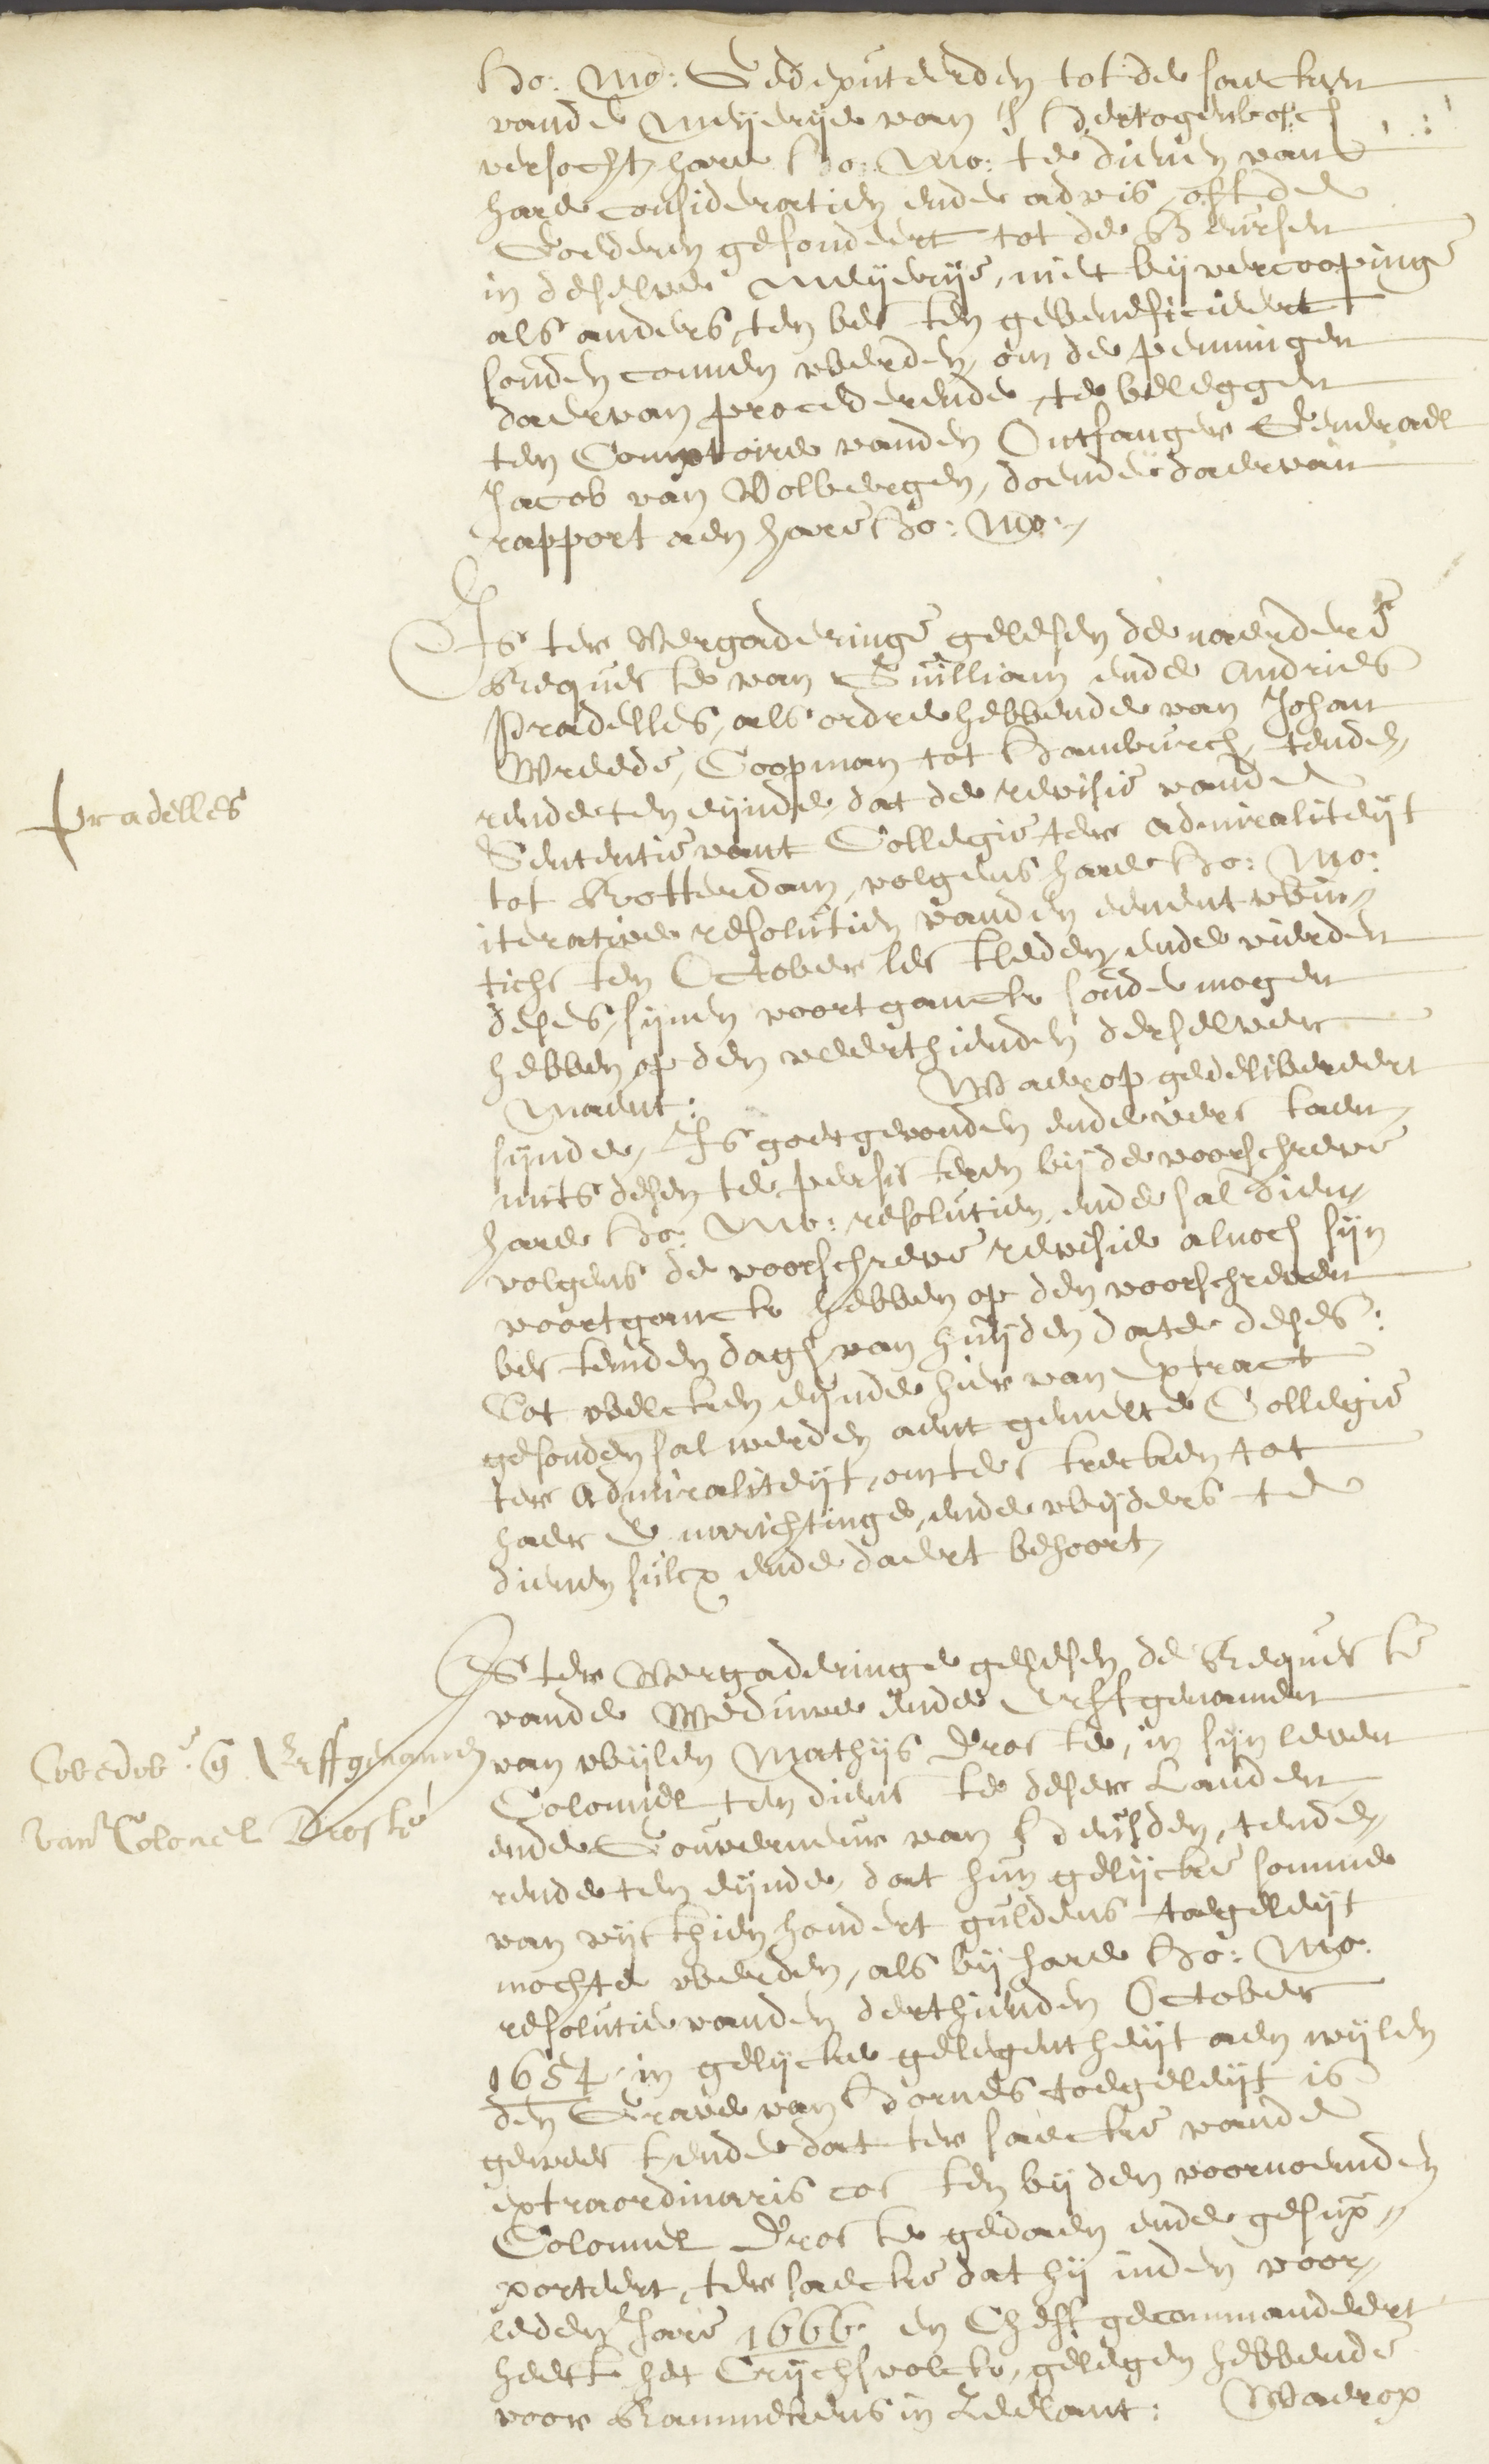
Ho:Mo: Gedeputeerden tot de saecken
vande Meijerije van ‛s Hertogenbosch:
versocht, hare Ho:Mo: te dienen van
hare consideratien ende advis, off de
Goederen gefondeert tot de Beursen
in deselve Meijerije, niet bij vercoopinge
als anders, ten besten gebeneficieert
souden connen werden, om de penningen
daervan procederende, te beleggen
ten Comptoire vanden Ontfanger Generael
Jacob van Volbergen, doende daervan
rapport aen hare Ho:Mo:
Pradelles
Is ter Vergaderinge gelesen de naerdere
Requeste van Guilliam ende Andries
Pradelles, als ordre hebbende van Johan
Wreede, Coopman tot Hamburch, tende„
rende ten eijnde, dat de revisie vande
Sententie vant Collegie ter Admiraliteijt
tot Rotterdam, volgens hare Ho:Mo:
iterative resolutien vanden eenentwin„
tichsten October lestleden, ende vierden
deses, sijnen voortganck soude mogen
hebben, op den veerthienden derselver
maent: Waerop gedelibereert
sijnde, Is goetgevonden ende verstaen,
mits desen te persisteren bij de voorschreve
hare Ho:Mo: resolutien, ende sal dien„
volgens de voorschreve revisie alnoch sijn
voortganck hebben op den voorschreven
bestenden dagh van huijden date deses:
Tot welcken eijnde hier van Extract
gesonden sal werden aent gemelte Collegie
ter Admiraliteijt, om te strecken tot
haer E. narichtinge, ende wijders te
dienen sulcx ende daert behoort,
wedwe. & Erffgenlamen.
van Colonel Droste
Is ter Vergaderinge gelesen de Requeste
vande Weduwe ende Erffgenamen
van wijlen Mathijs Droste, in sijn leven
Colonnel ten dienste deser Landen
ende Gouverneur van Heusden, tende„
rende ten eijnde, dat hun gelijcke somme
van vijfthien hondert guldens toegeleijt
mochte werden, als bij hare Ho:Mo:
resolutie vanden derthienden October
1654. in gelijcke gelegentheijt aen wijlen
den Grave van Hornes toegeleijt is
geweest, ende dat ter saecke vande
extraordinaris costen bij den voornoemden
Colonnel Droste gedaen ende gesup„
porteert, ter saecke dat hij inden voor„
leden Jare 1666. en Cheff gecommandeert
heeft het Crijchsvolck, gelegen hebbende
voor Rammekens in Zeelant: Waerop
